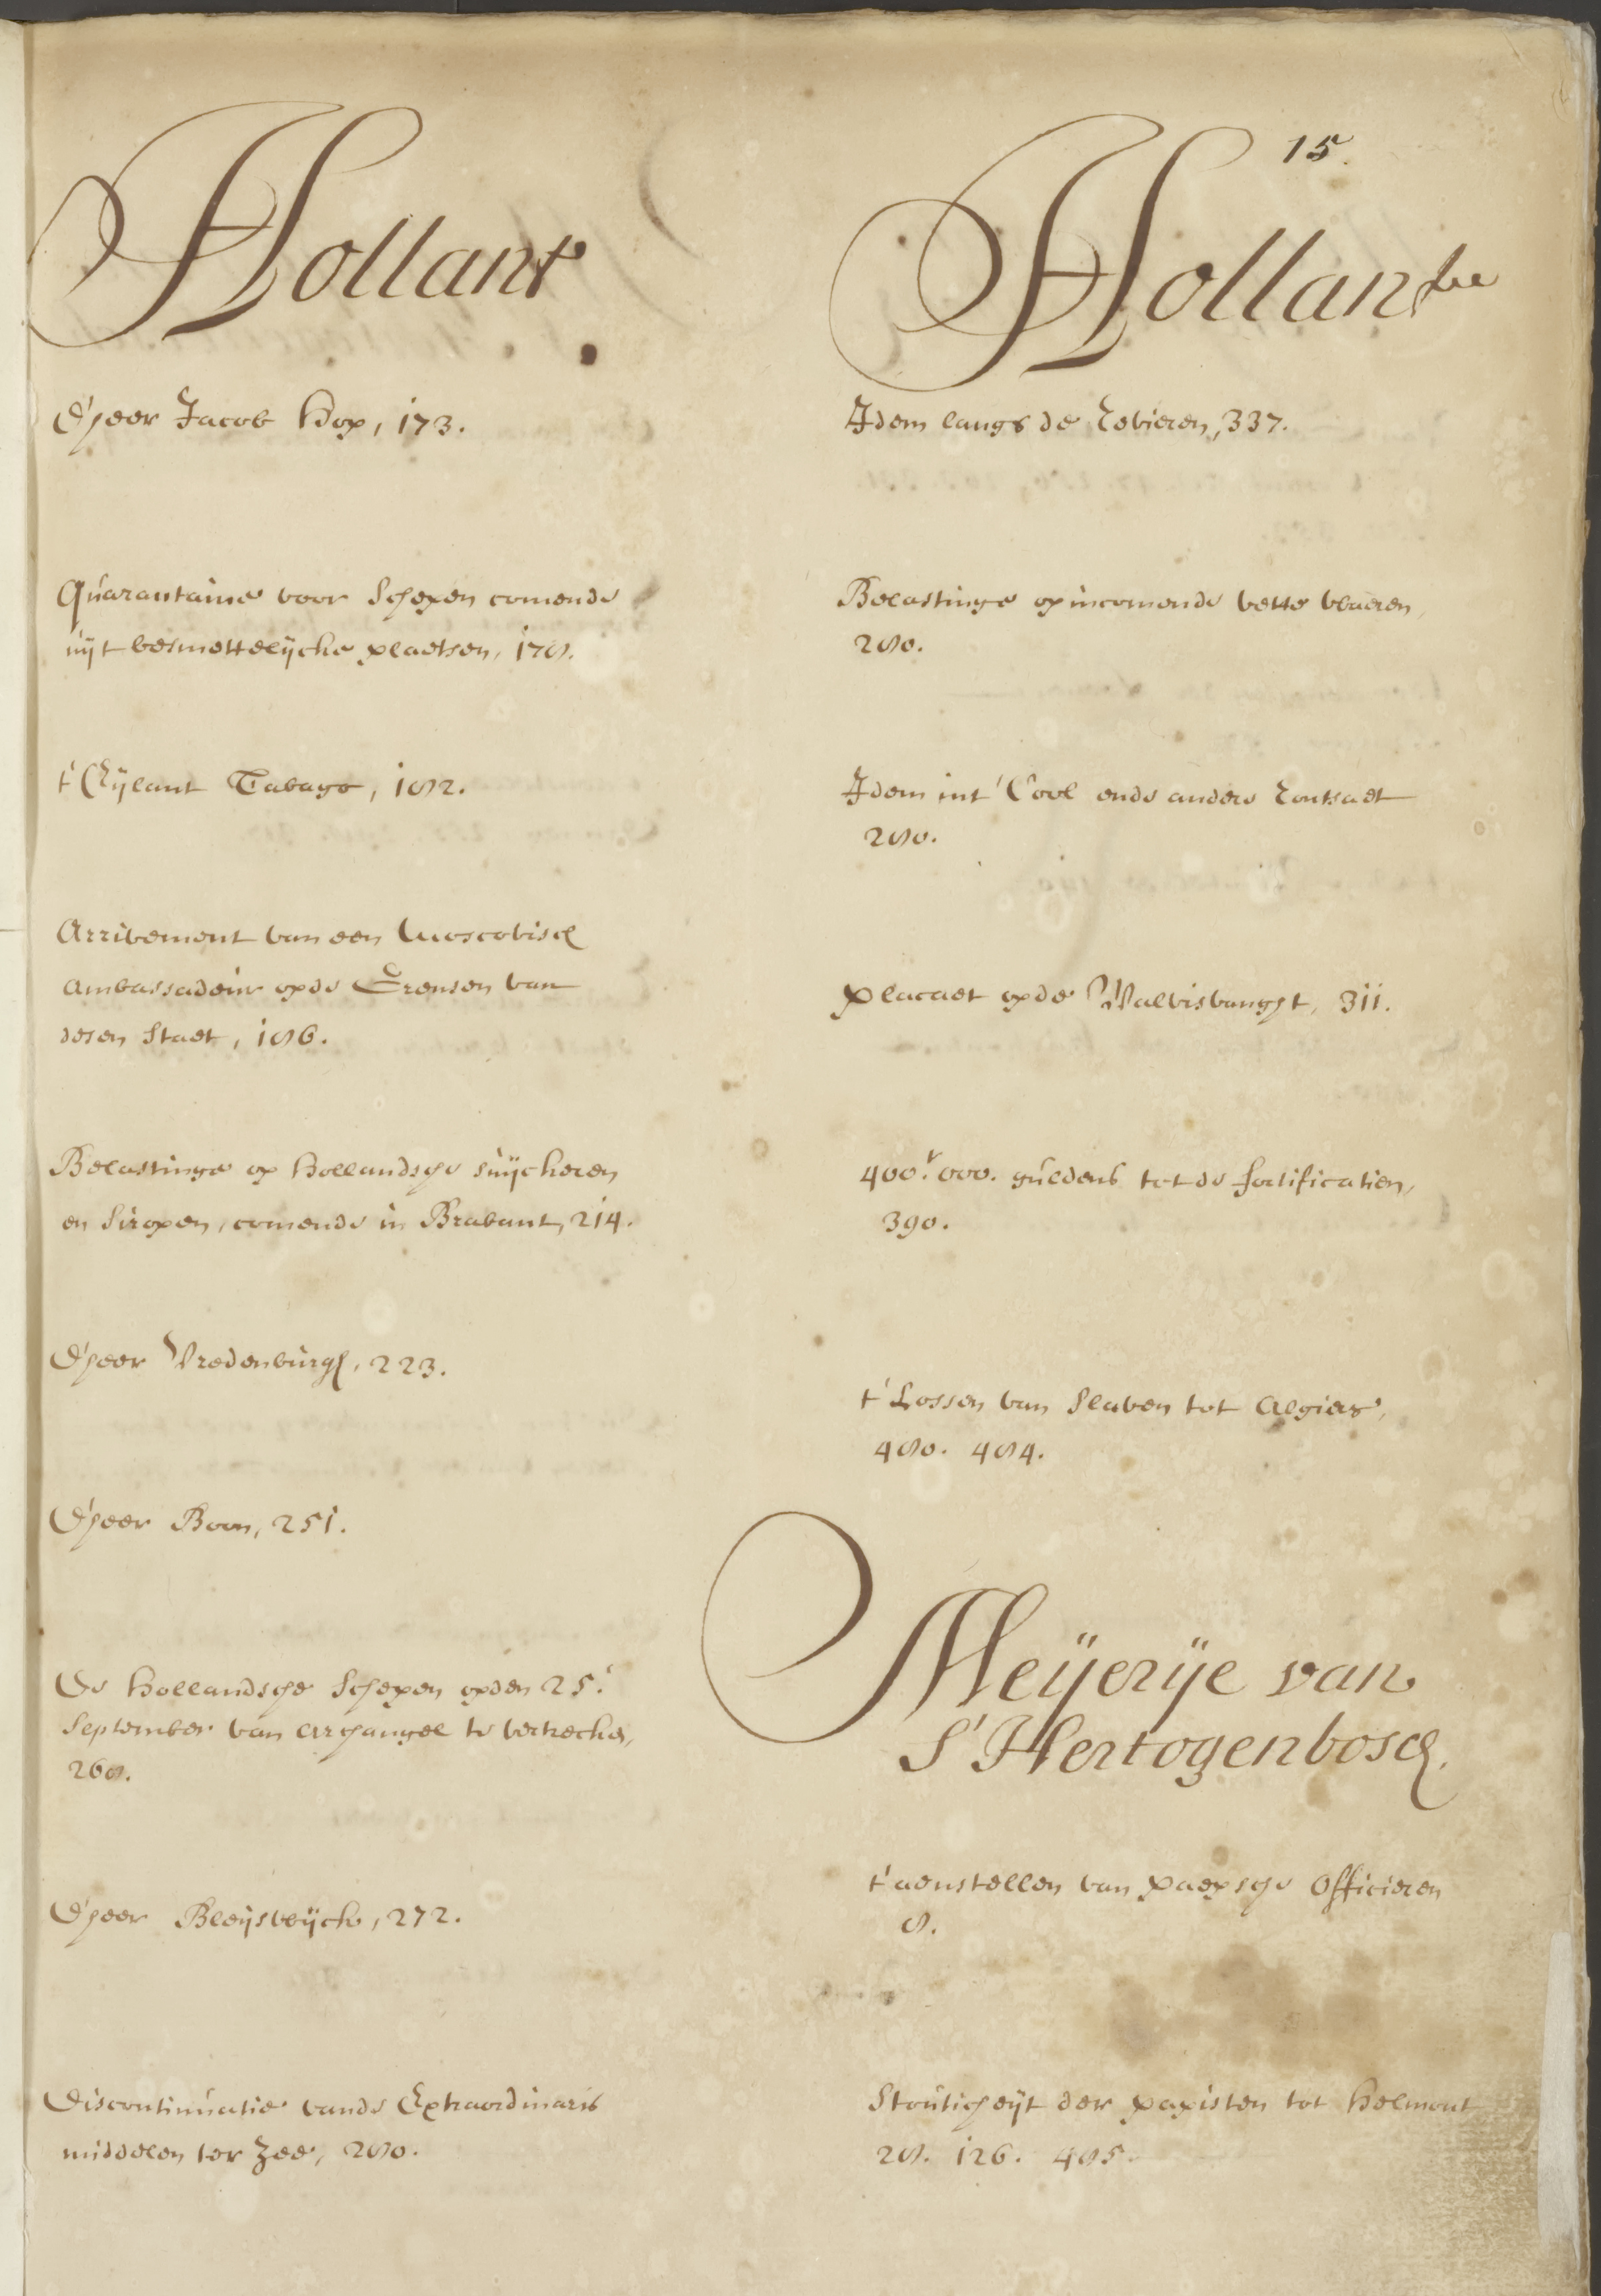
15.
Hollant
D'heer Jacob Hop, 173
quarantaine voor Schepen comende
uijt besmettelijcke plaetsen, 178.
t' Eijlant Tabago, 182.
Arrivement van een moscovisch
ambassadeur op de Grensen van
desen Staet, 186.
Belastinge op Hollandsche suijckeren
en siropen, comende in Brabant, 214.
D'heer Vredenburgh, 223.
D'heer Boon, 251.
De Hollandsche Schepen opden 25e.
september van archangel te vertrecken,
268.
D'heer Bleijswijck, 272.
Discontinuatie vande Extraordinaris
middelen ter zee, 280.
Hollant
Idem langs de revieren, 337
Belastinge op incomende vette waeren,
280.
Idem int 'Cool ende andere rontsaet
280.
placaet op de Walvisvangst, 311.
400.000 guldens tot de fortificatien,
390.
t' Lossen van slaven tot Algiers,
480, 484.
Meijerije van
s'Hertogenbosch.
t'aenstellen van paepsche officieren
8.
stouticheijt der papisten tot Helmont
28, 126, 485
